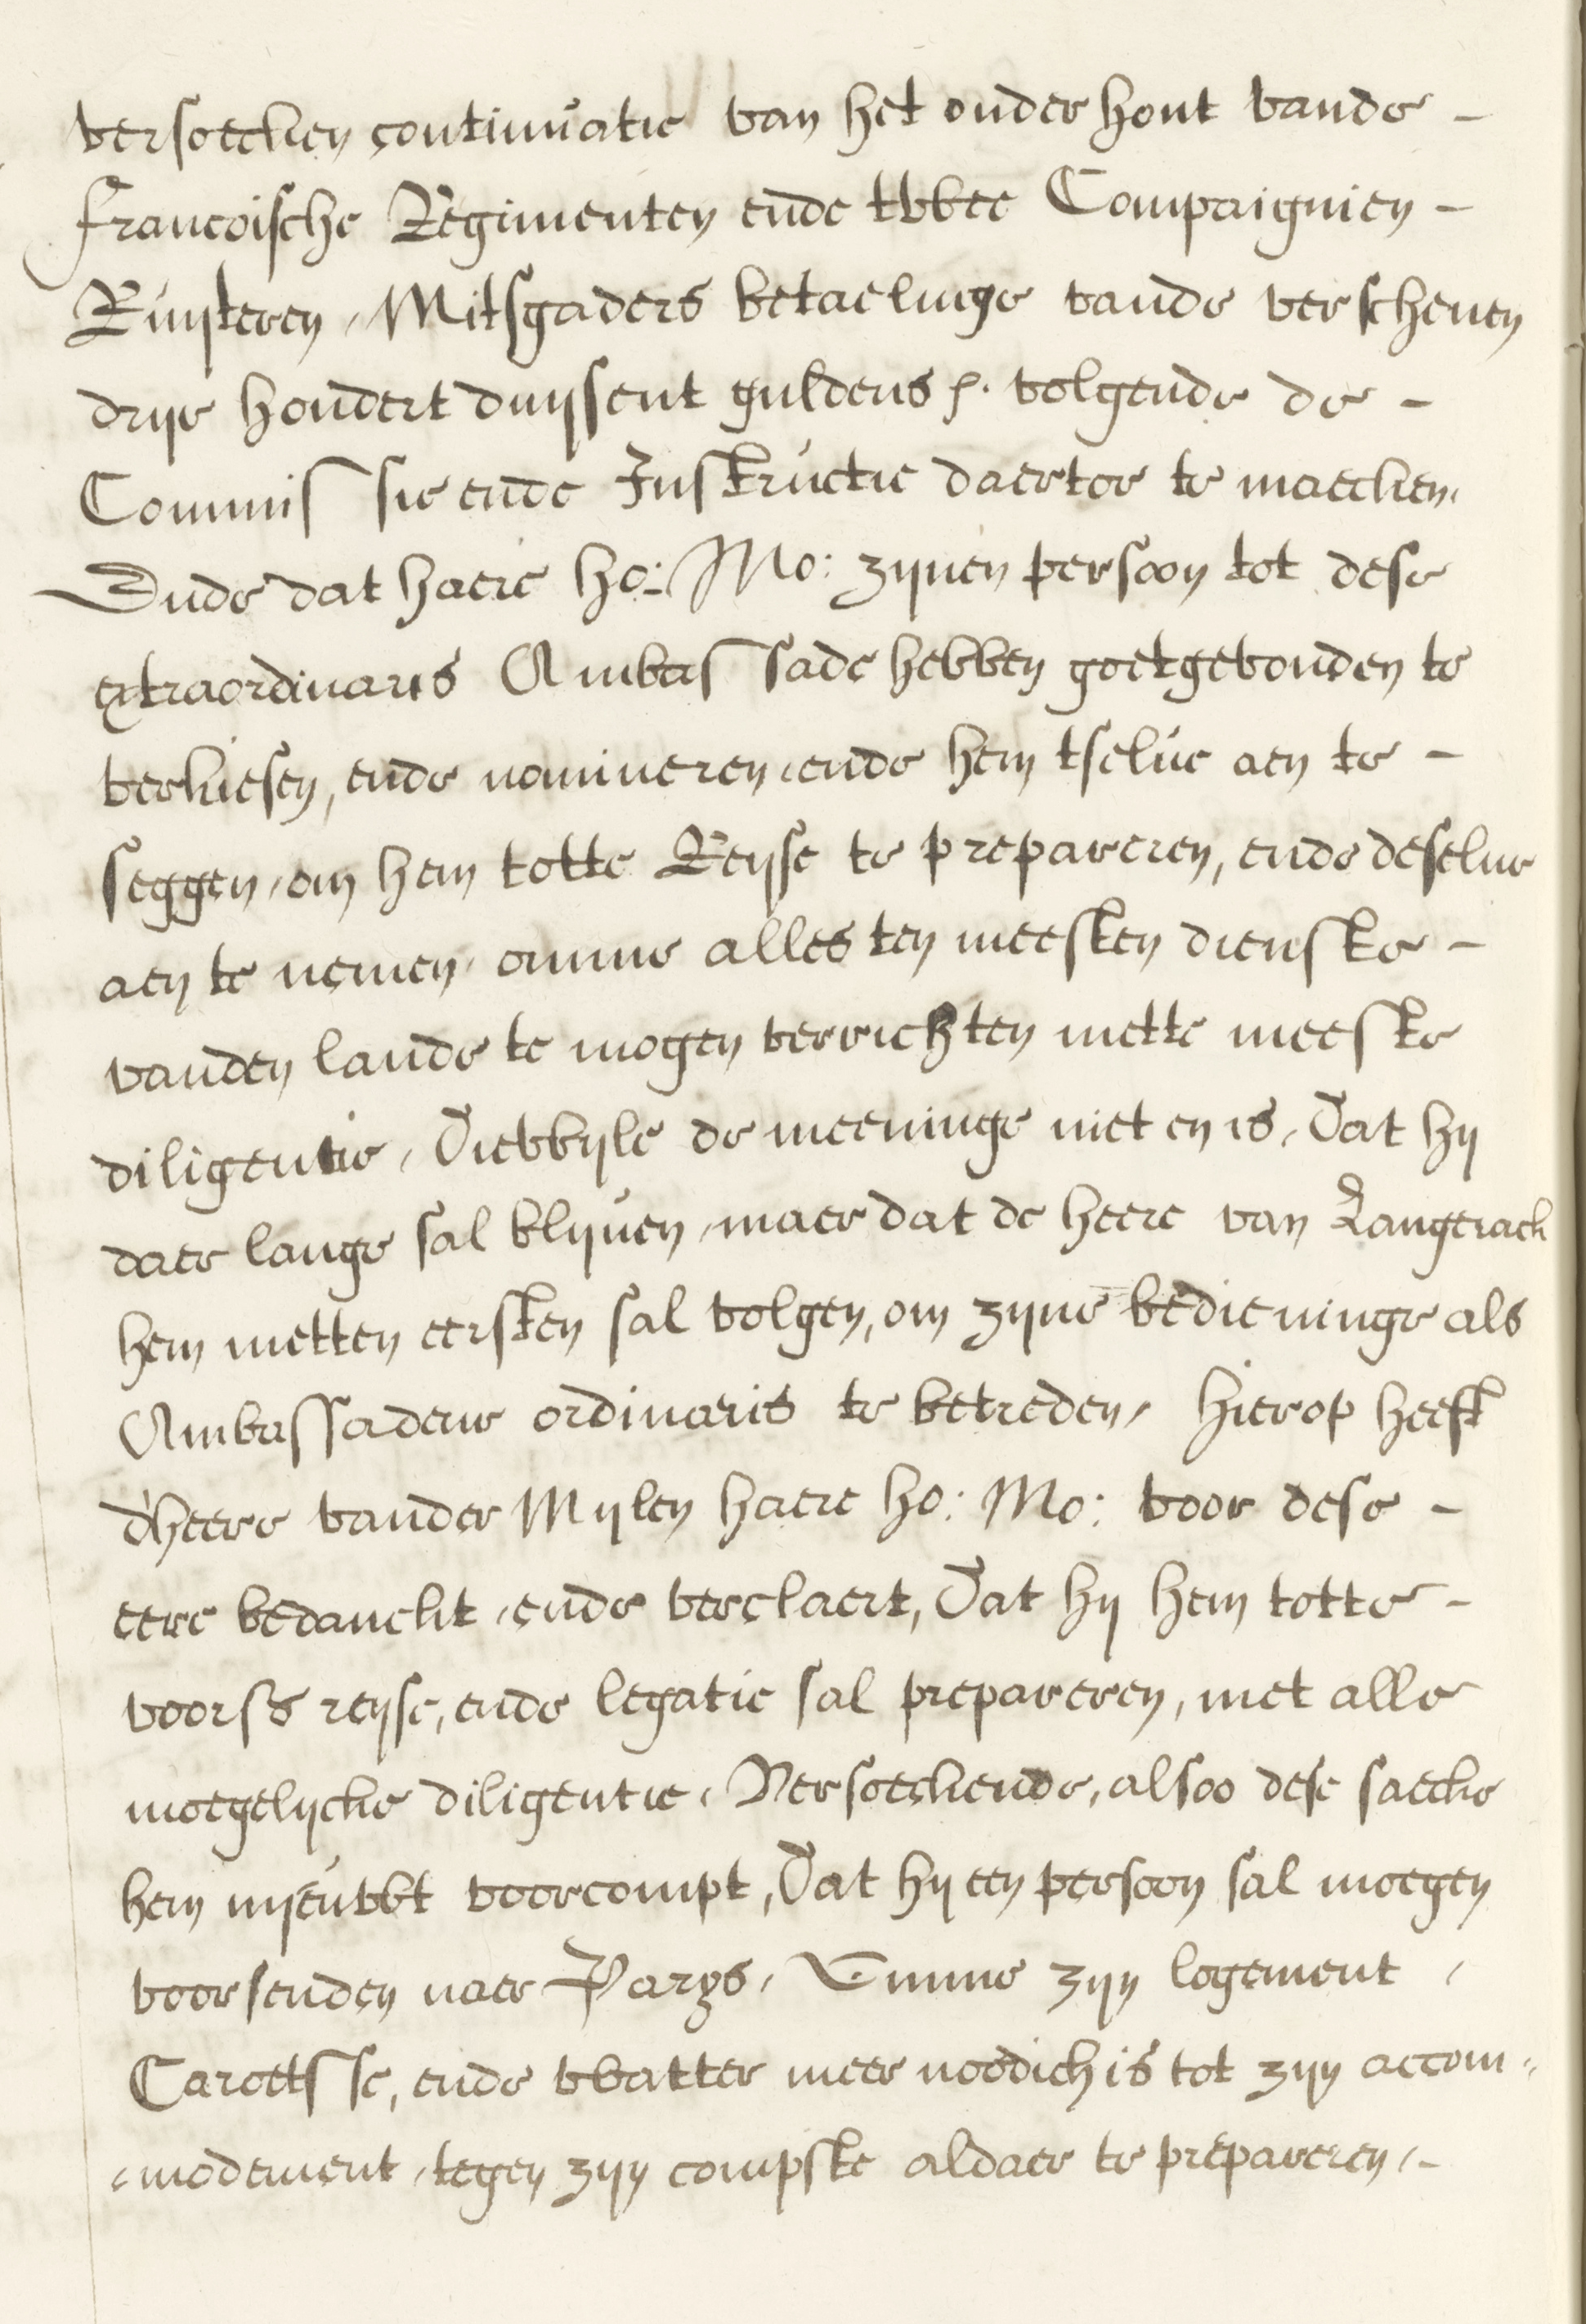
versoecken continuatie van het onderhout vande
Francoische Regimenten ende twee Compaignien
Ruyteren, Mitsgaders betaelinge vande verschenen
drye hondert duysent guldens f. volgende de
Commissie ende Instructie daertoe te maecken,
Ende dat haere Ho:Mo: zynen persoon tot dese
extraordinaris Ambassade hebben goetgevonden te
verkiesen, ende nomineren, ende hem tselue aen te
seggen, om hem totte Reyse te prepareren, ende deselue
aen te nemen, omme alles ten meesten dienste
vanden lande te mogen verrichten mette meeste
diligentie, diewyle de meeninge niet en is, dat hy
daer lange sal blyuen, maer dat de heere van Langerack
hem metten eersten sal volgen, om zyne bedieninge als
Ambassadeur ordinaris te betreden, hierop heeft
d'heere vander Mylen haere Ho:Mo: voor dese -
eere bedanckt, ende verclaert, dat hy hem totte
voors reyse, ende legatie sal prepareren, met alle
moegelycke diligentie. Versoeckende, alsoo dese saecke
hem nyeuwt voorcompt, dat hy een persoon sal moegen
voorsenden naer Parys, Omme zijn logement,
Caroetsse, ende watter meer noodich is tot zyn accom,,
,,modement, tegen zyn compste aldaer te prepareren
